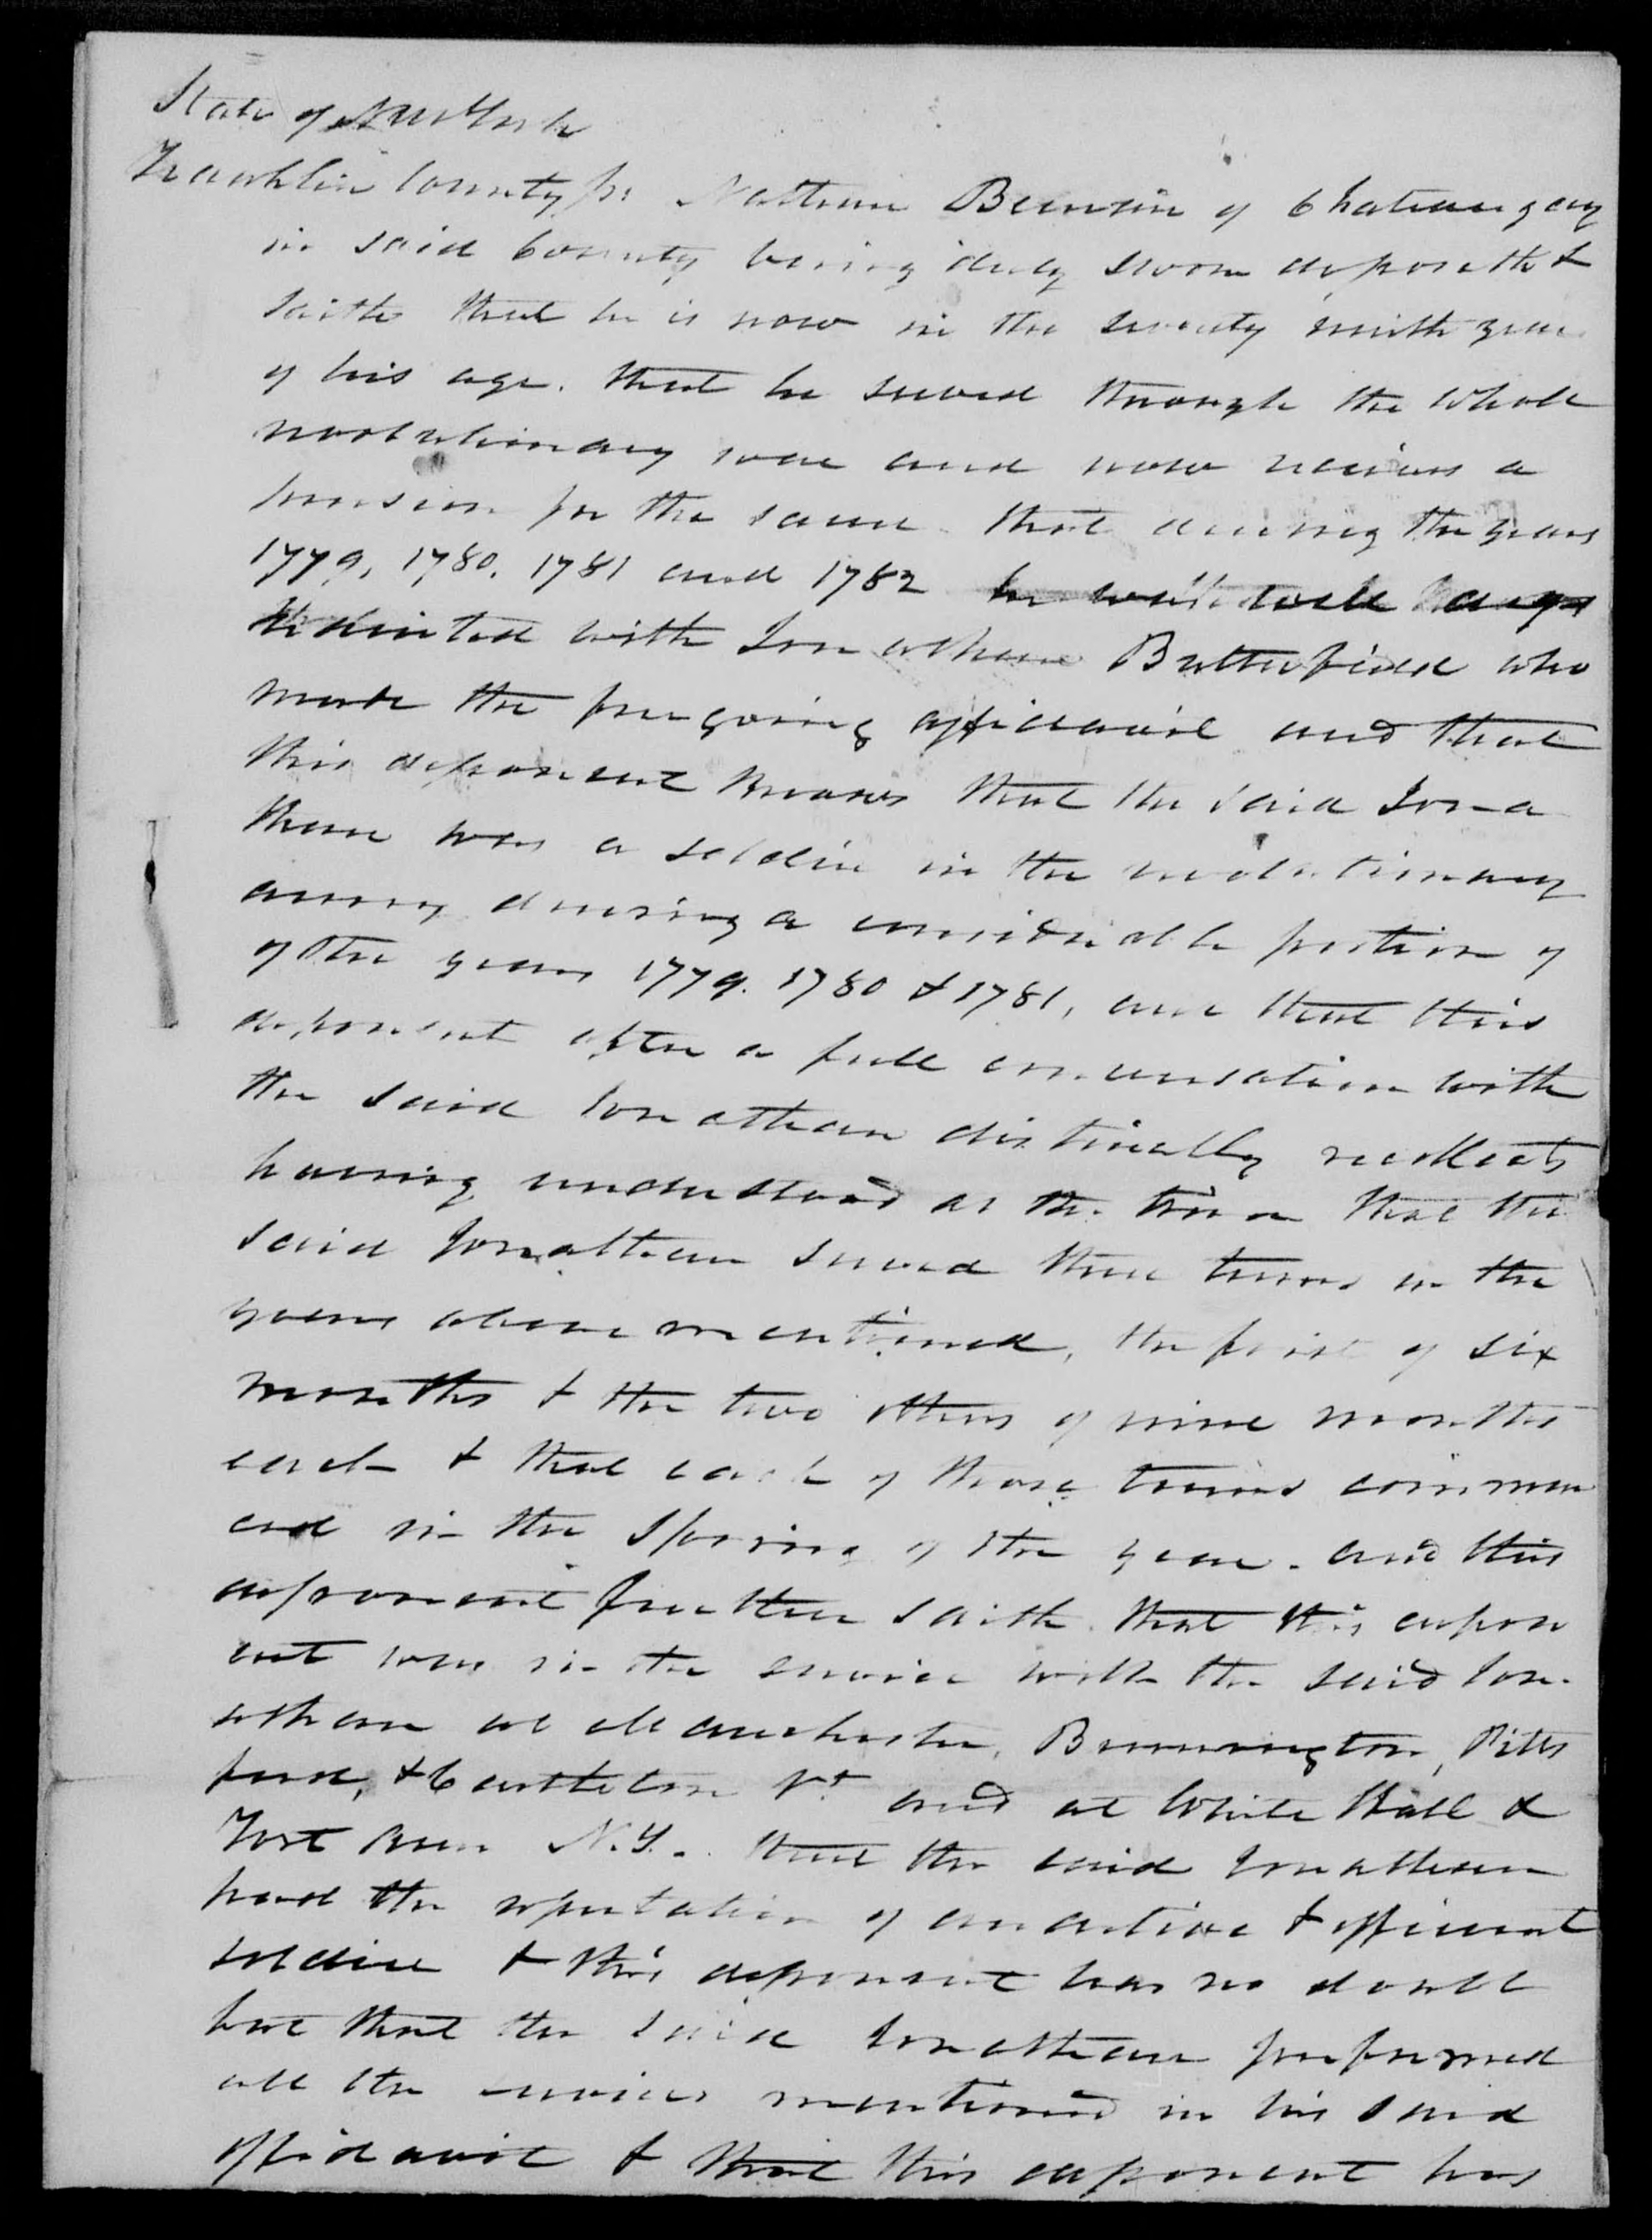State of New York
Franklin County
 Nathan Buntin of Chateaugay in said County being duly sworn deposeth Saith that he is now in the seventy ninth year
of his age, that he served through the whole revolutionary war and now has a
pension for the same that during the years
1779, 1780, 1781 and 1782 he says
acquainted with Jonathan Butterfield who
made the foregoing affidavit and that
this deponent says that the said this Jonathan was a soldier in the revolutionary
army during a considerable portion of
the year 1779, 1780 & 1781, and that this
deponent after a full conversation with 
the said Jonathan distinctly recollects
having understood at the time that the
said Jonathan served tours that 
were mentioned, the first of six
months & the two others of nine months 
 & that each of those in the spring of the year and this deponent further saith that this deponent was in the service with the said Jonathan with all Manchester, Bermington, Pittsford
& Cartiton Vt aid at White Hall &
Fort Ann N.Y. that the said Jonathan had the reputation of  a ______ & efficient
Soldier & this deponent has no doubt
but that the said Jonathan proposed
all the places mentioned in his said
affidavit & that this deponent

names: Jonathan, Jonathan, Jonathan Butterfield, Jonathan, Jonathan, Jonathan, Nathan Bernan, Jonathan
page: 22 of 40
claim: rejected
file: R. 1558, Jonathan Butterfield, Mass. Vt.